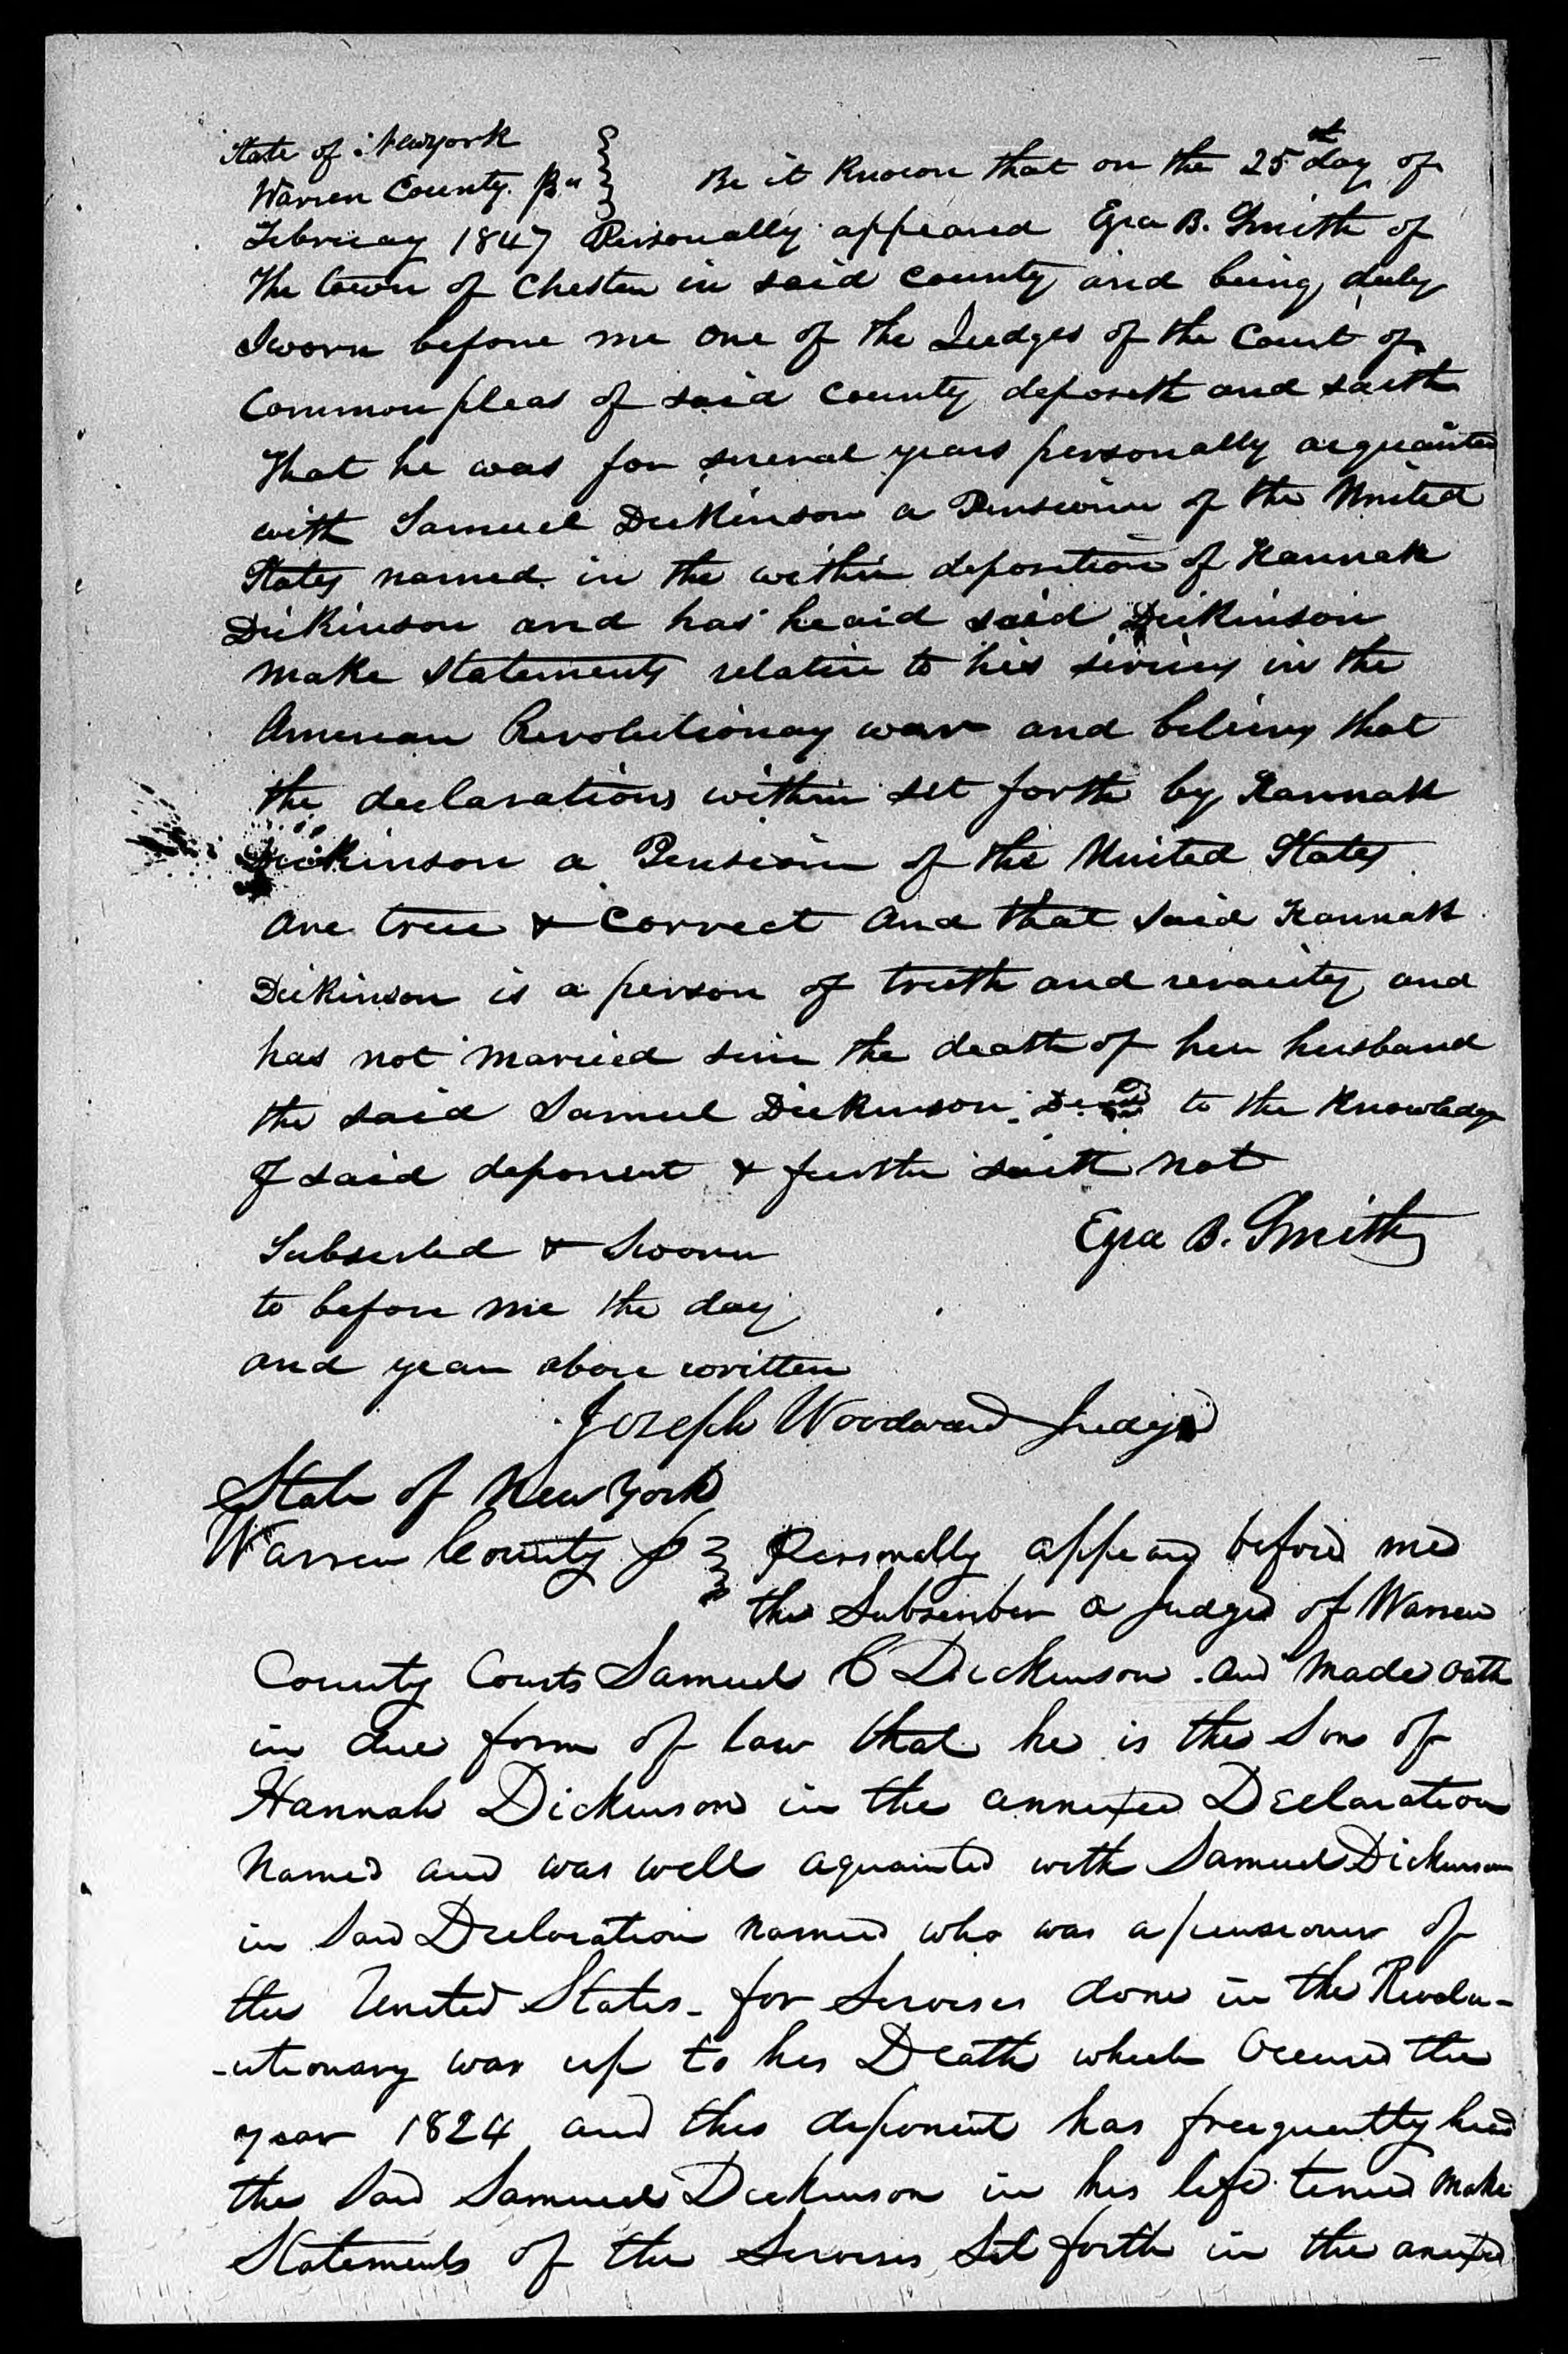State of New York
Haven County Bu

Be it R[] that on the 25th day of February 1847 Personally appeared E[] B. K[]th of The County of Chester in said County and being duly sworn before me one of the Judges of the Court of Common[] of said County deposed and [] That he was for several years personally acquainted with Samuel Dickinson a Pensioner of the United States, named in the witness deposition of Hannah Dickinson and has heard said Dickison make statements relating to his service in the American Revolutionary war and believing that the declarations witness set forth by Hannah Dickinson a Pensioner of the United States one true and correct and that said Hannah Dickinson is a person of truth and [] and had not married [] the death of her husband the said Samuel Dickinson.  [] to the knowledge of said dep[] and further s[] not
Eya B. Smithy
Lub[] and Sworn to before me the day and year above written
Joseph Woodward Judge

State of New York
Warren County
Personally appearing before me this September a Judge of Warren County Courts Samuel B Dickinson.  And made oath in due form of law that he is this Son of Hannah Dickinson in the annoted Declaration [] and was well aquainted with Samuel Dickison in law Declaration named who was a pensioner of the United States for Services [] in the Revolutionary War was [] to his Death which around the year 1824 and this depo[] has frequently [] the [] Samuel Dickinson in his life time make statements of the Services set forth in the an[]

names: Samuel Dickinson, Hannah Dickinson, Ezra B Smith, Hannah Dickinson, Joseph Woodward, Samuel Dickinson, Samuel Dickinson, Samuel C Dickinson, Dickinson, Hannah Dickinson, Hannah Dickinson, Ezra B Smith, Samuel Dickinson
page: 13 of 60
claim: widow's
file: W 16,955, Samuel Dickinson, Conn.